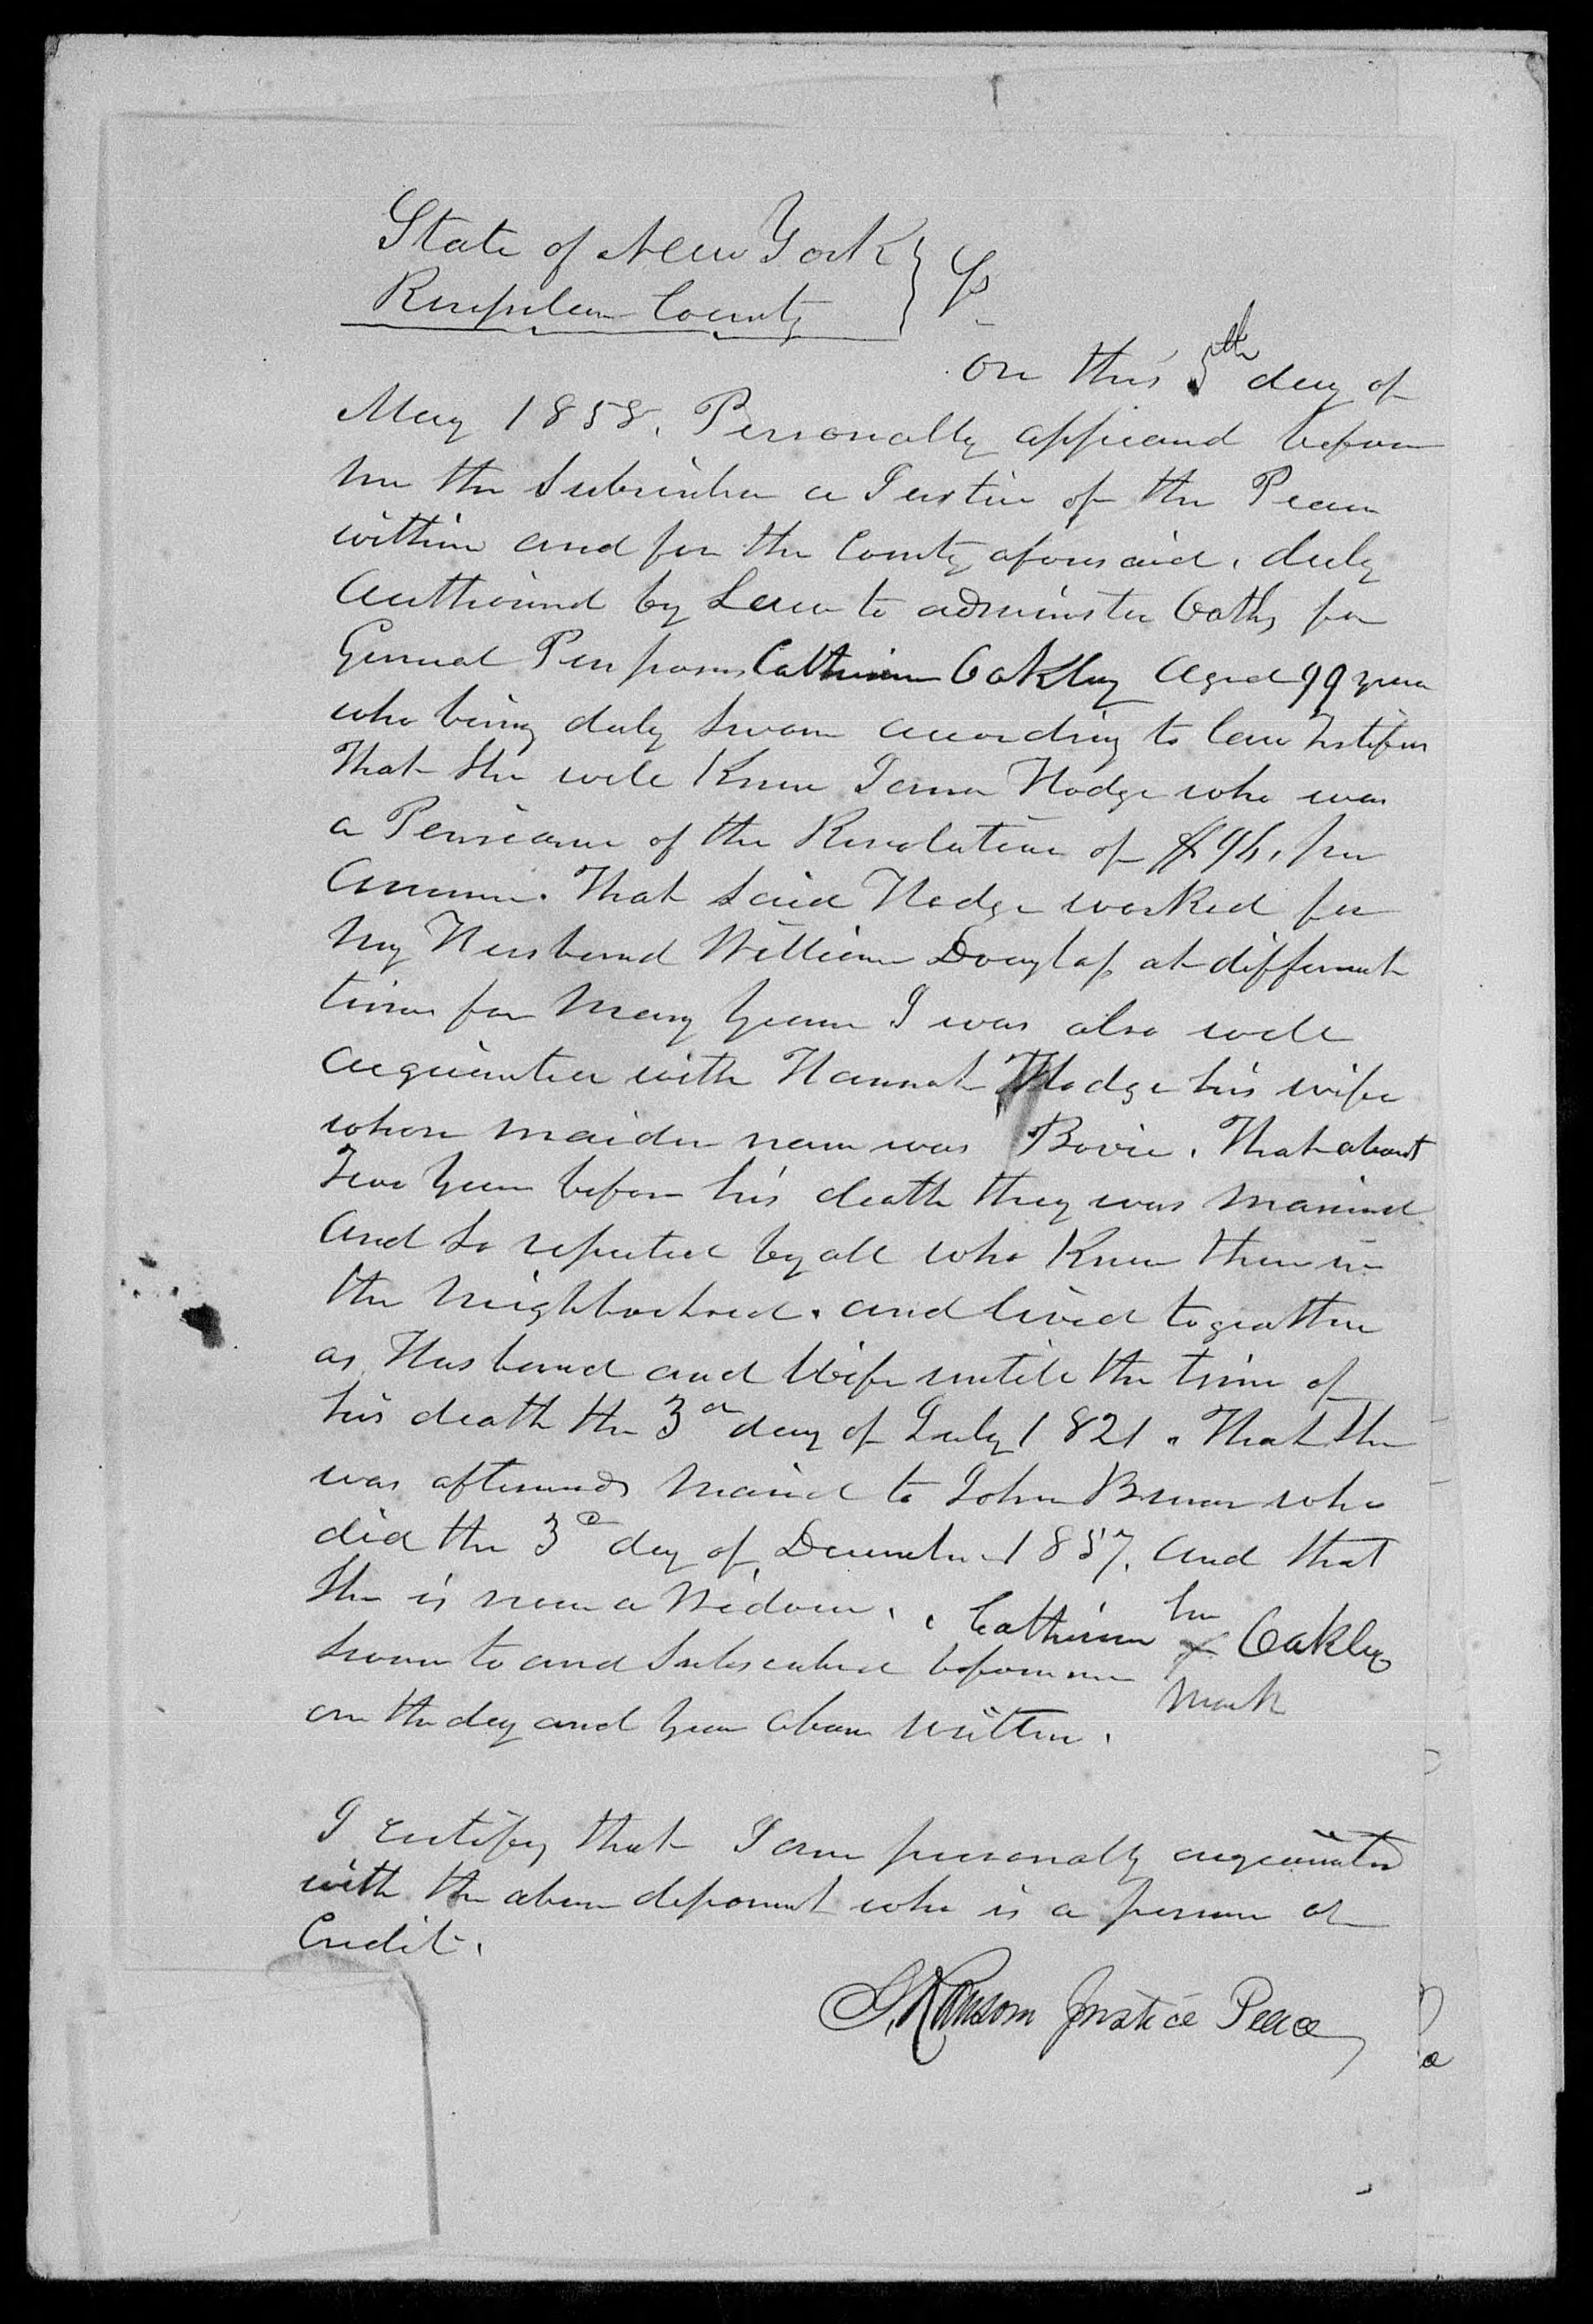State of New York
Rensselaer County
On this 5th day of May, 1858, personally appeared before me the subscriber a Justice of the Peace within and for the country aforesaid duly authorized by Law to administer the oath for (illegible)(illegible) Catherine Oakley age 19(?) years who being duly sworn according to (illegible)(illegible) that she (illegible) (illegible)James Hodge who was a pensioner of the Revolution of (illegible).  That Hodge worked for my husband WIlliam Douglas at different times for many years.  I was also well accquainted with Hannah Hodge his wife whose maiden name was Bovier.  That about five years before his death the were married and so reflected by all who knew them in the neighborhood and lived together as husband and wife until the time of his death the 3rd day of July 1821. That she was afterward married to John Burnes so(?) he died the 3rd day of December 1857 and that she is (illegible) a widower.  Catherine mark X Oakley sworn and subscribed before me on the day and year above written.

I certify that (illegible) personally acquainted with the above deponent who is a person credit.

G Ransom, Justice Peace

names: Cathrine Oakley, Bovier, Cathine Oakley, Hodge, William Douglas, G Ransom, Hannah Hodge, John Benantohe, James Hodge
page: 46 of 48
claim: widow's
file: W. 10476, James Hodge, New York